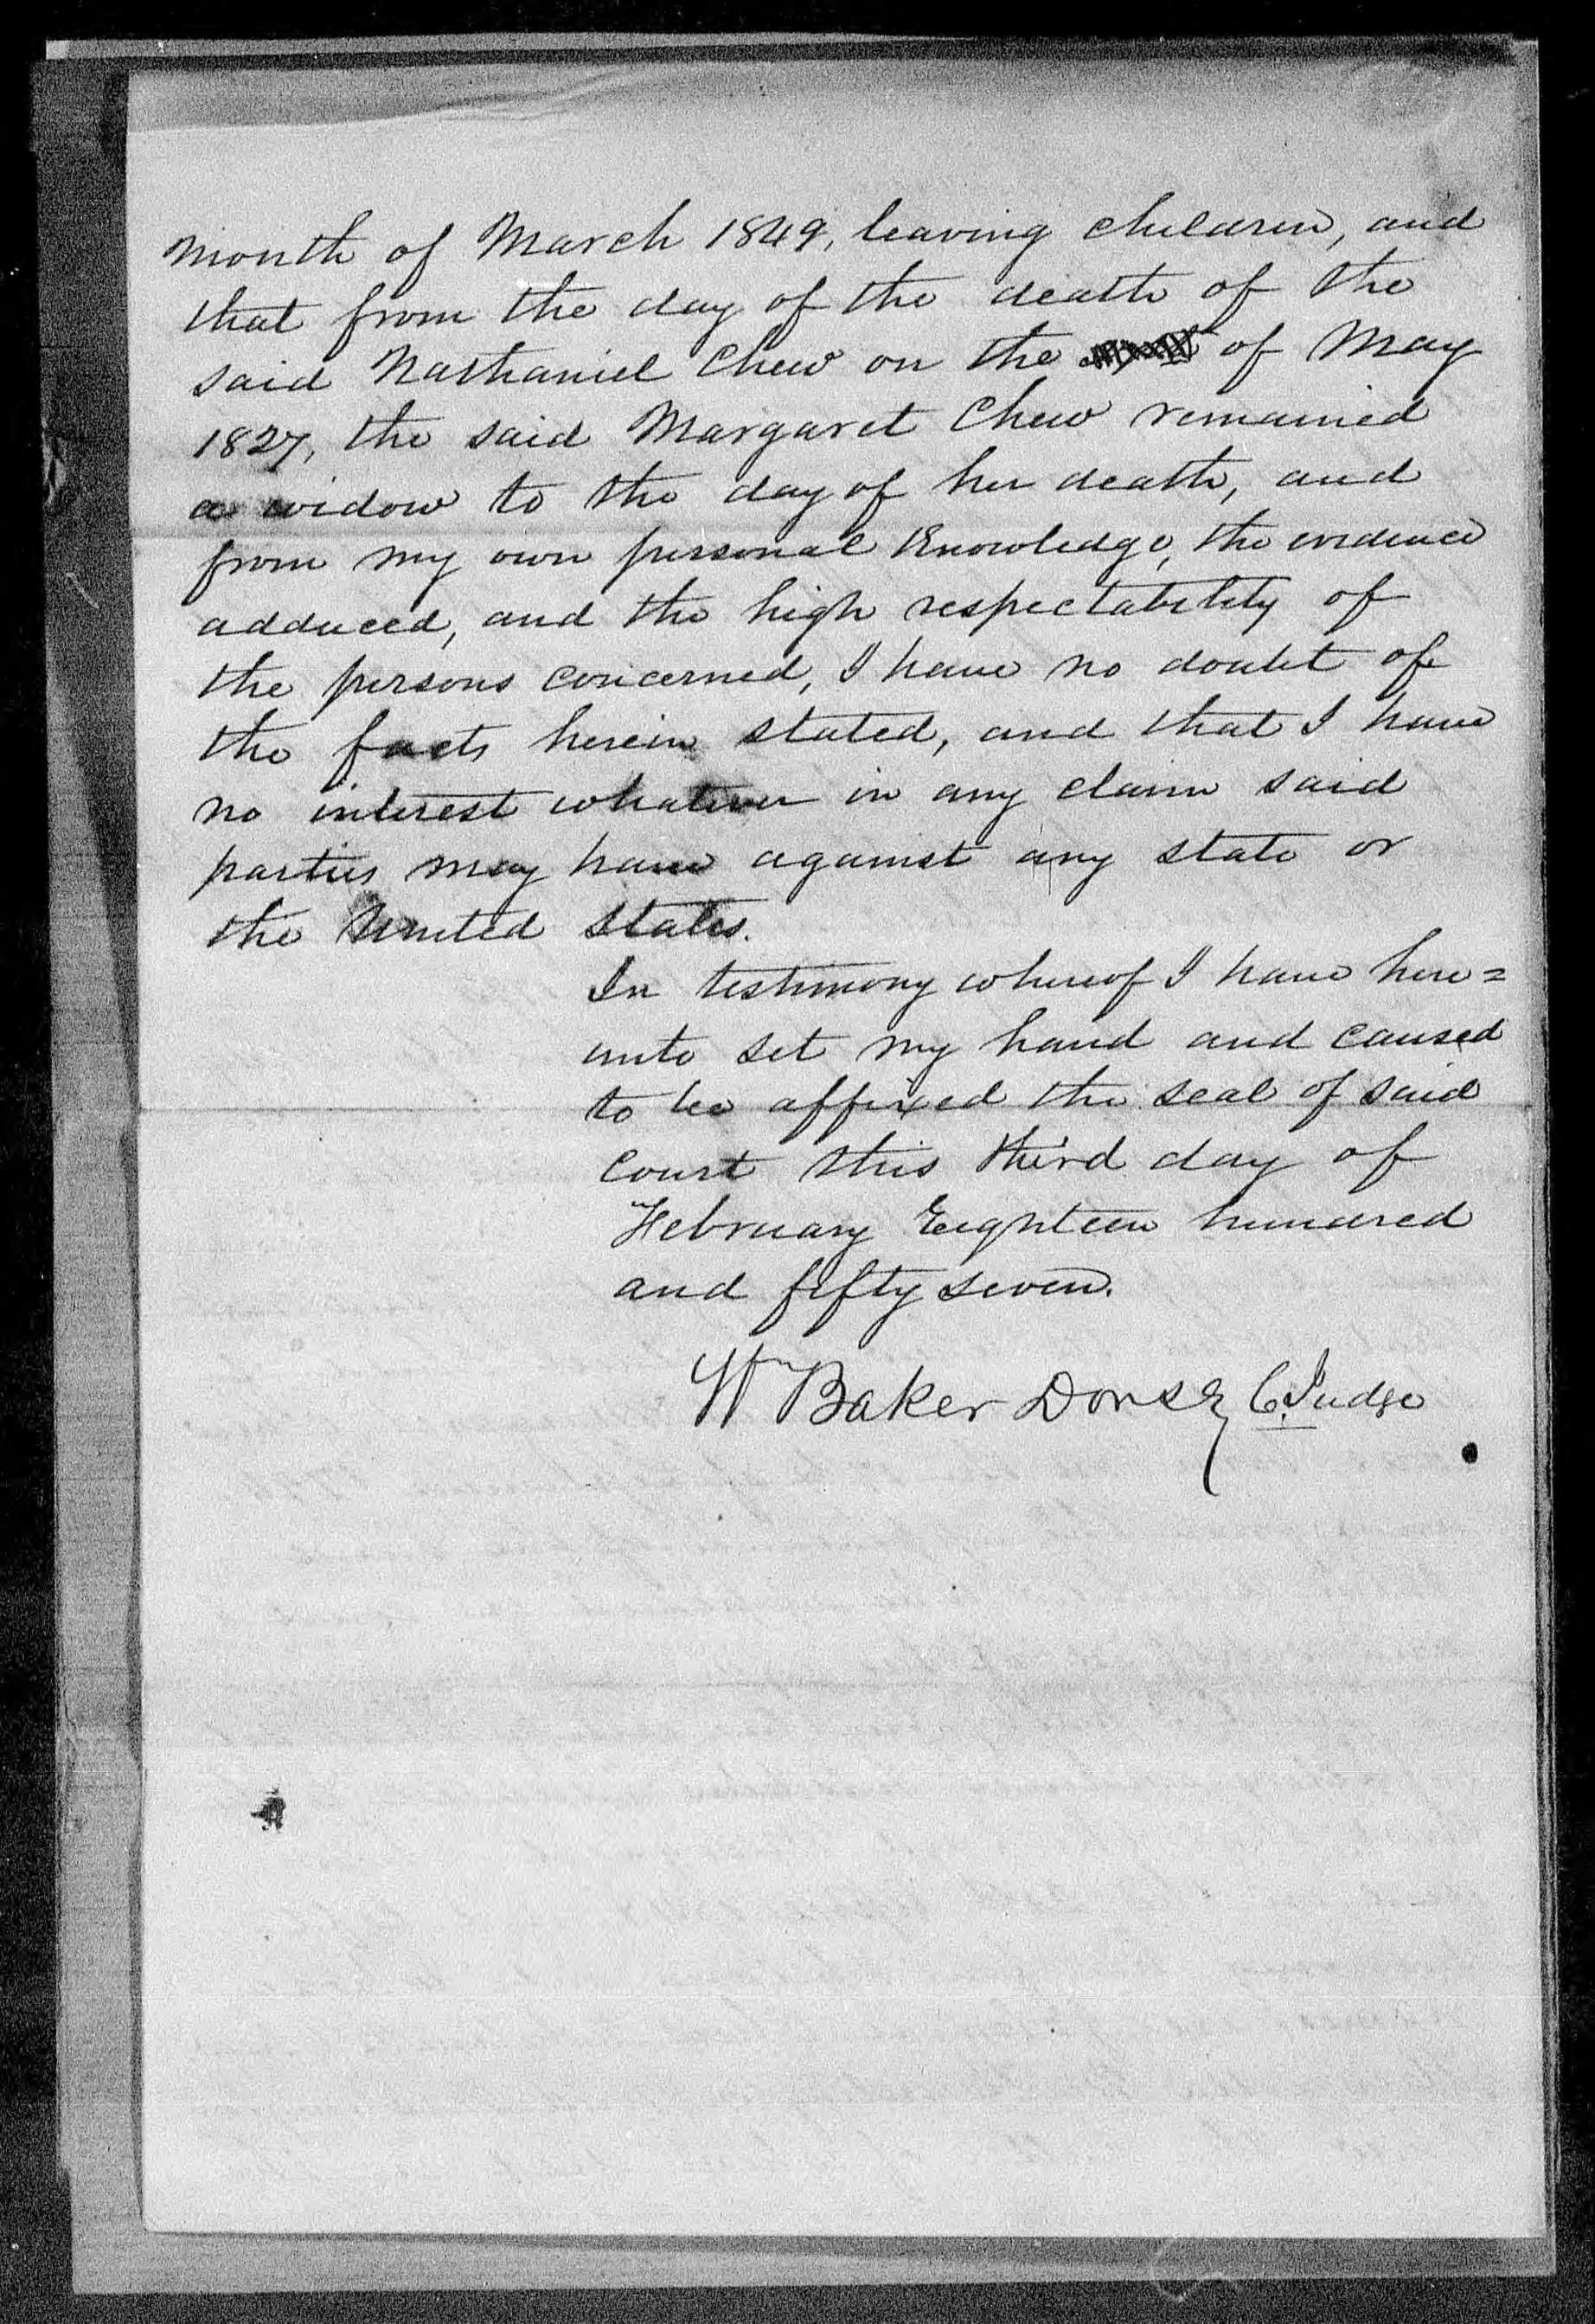month of March 1849, leaving children, and
that from the day of the death of the
said Nathaniel Chew on the [crossed out: 27th] of May
1827, the said Margaret Chew remained
a widow to the day of her death, and 
from my own personal knowledge the widowed
adduced, and the high respectability of
the persons concerned, I have no doubt of 
the facts herein stated, and that I have
no interest whatever in any claim said 
parties may have against any state or 
the United States.
In testimony whereof I have here=
unto set my hand and caused
to be affixed the seal of said
court this third day of
February Eighteen hundred
and fifty seven
W Baker Dorsy C.Judge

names: Margaret Chew, W Baker Dorsy, Nathaniel Chew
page: 13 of 59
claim: widow's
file: W. 9383, Nathaniel Chew, Navy (Md.)